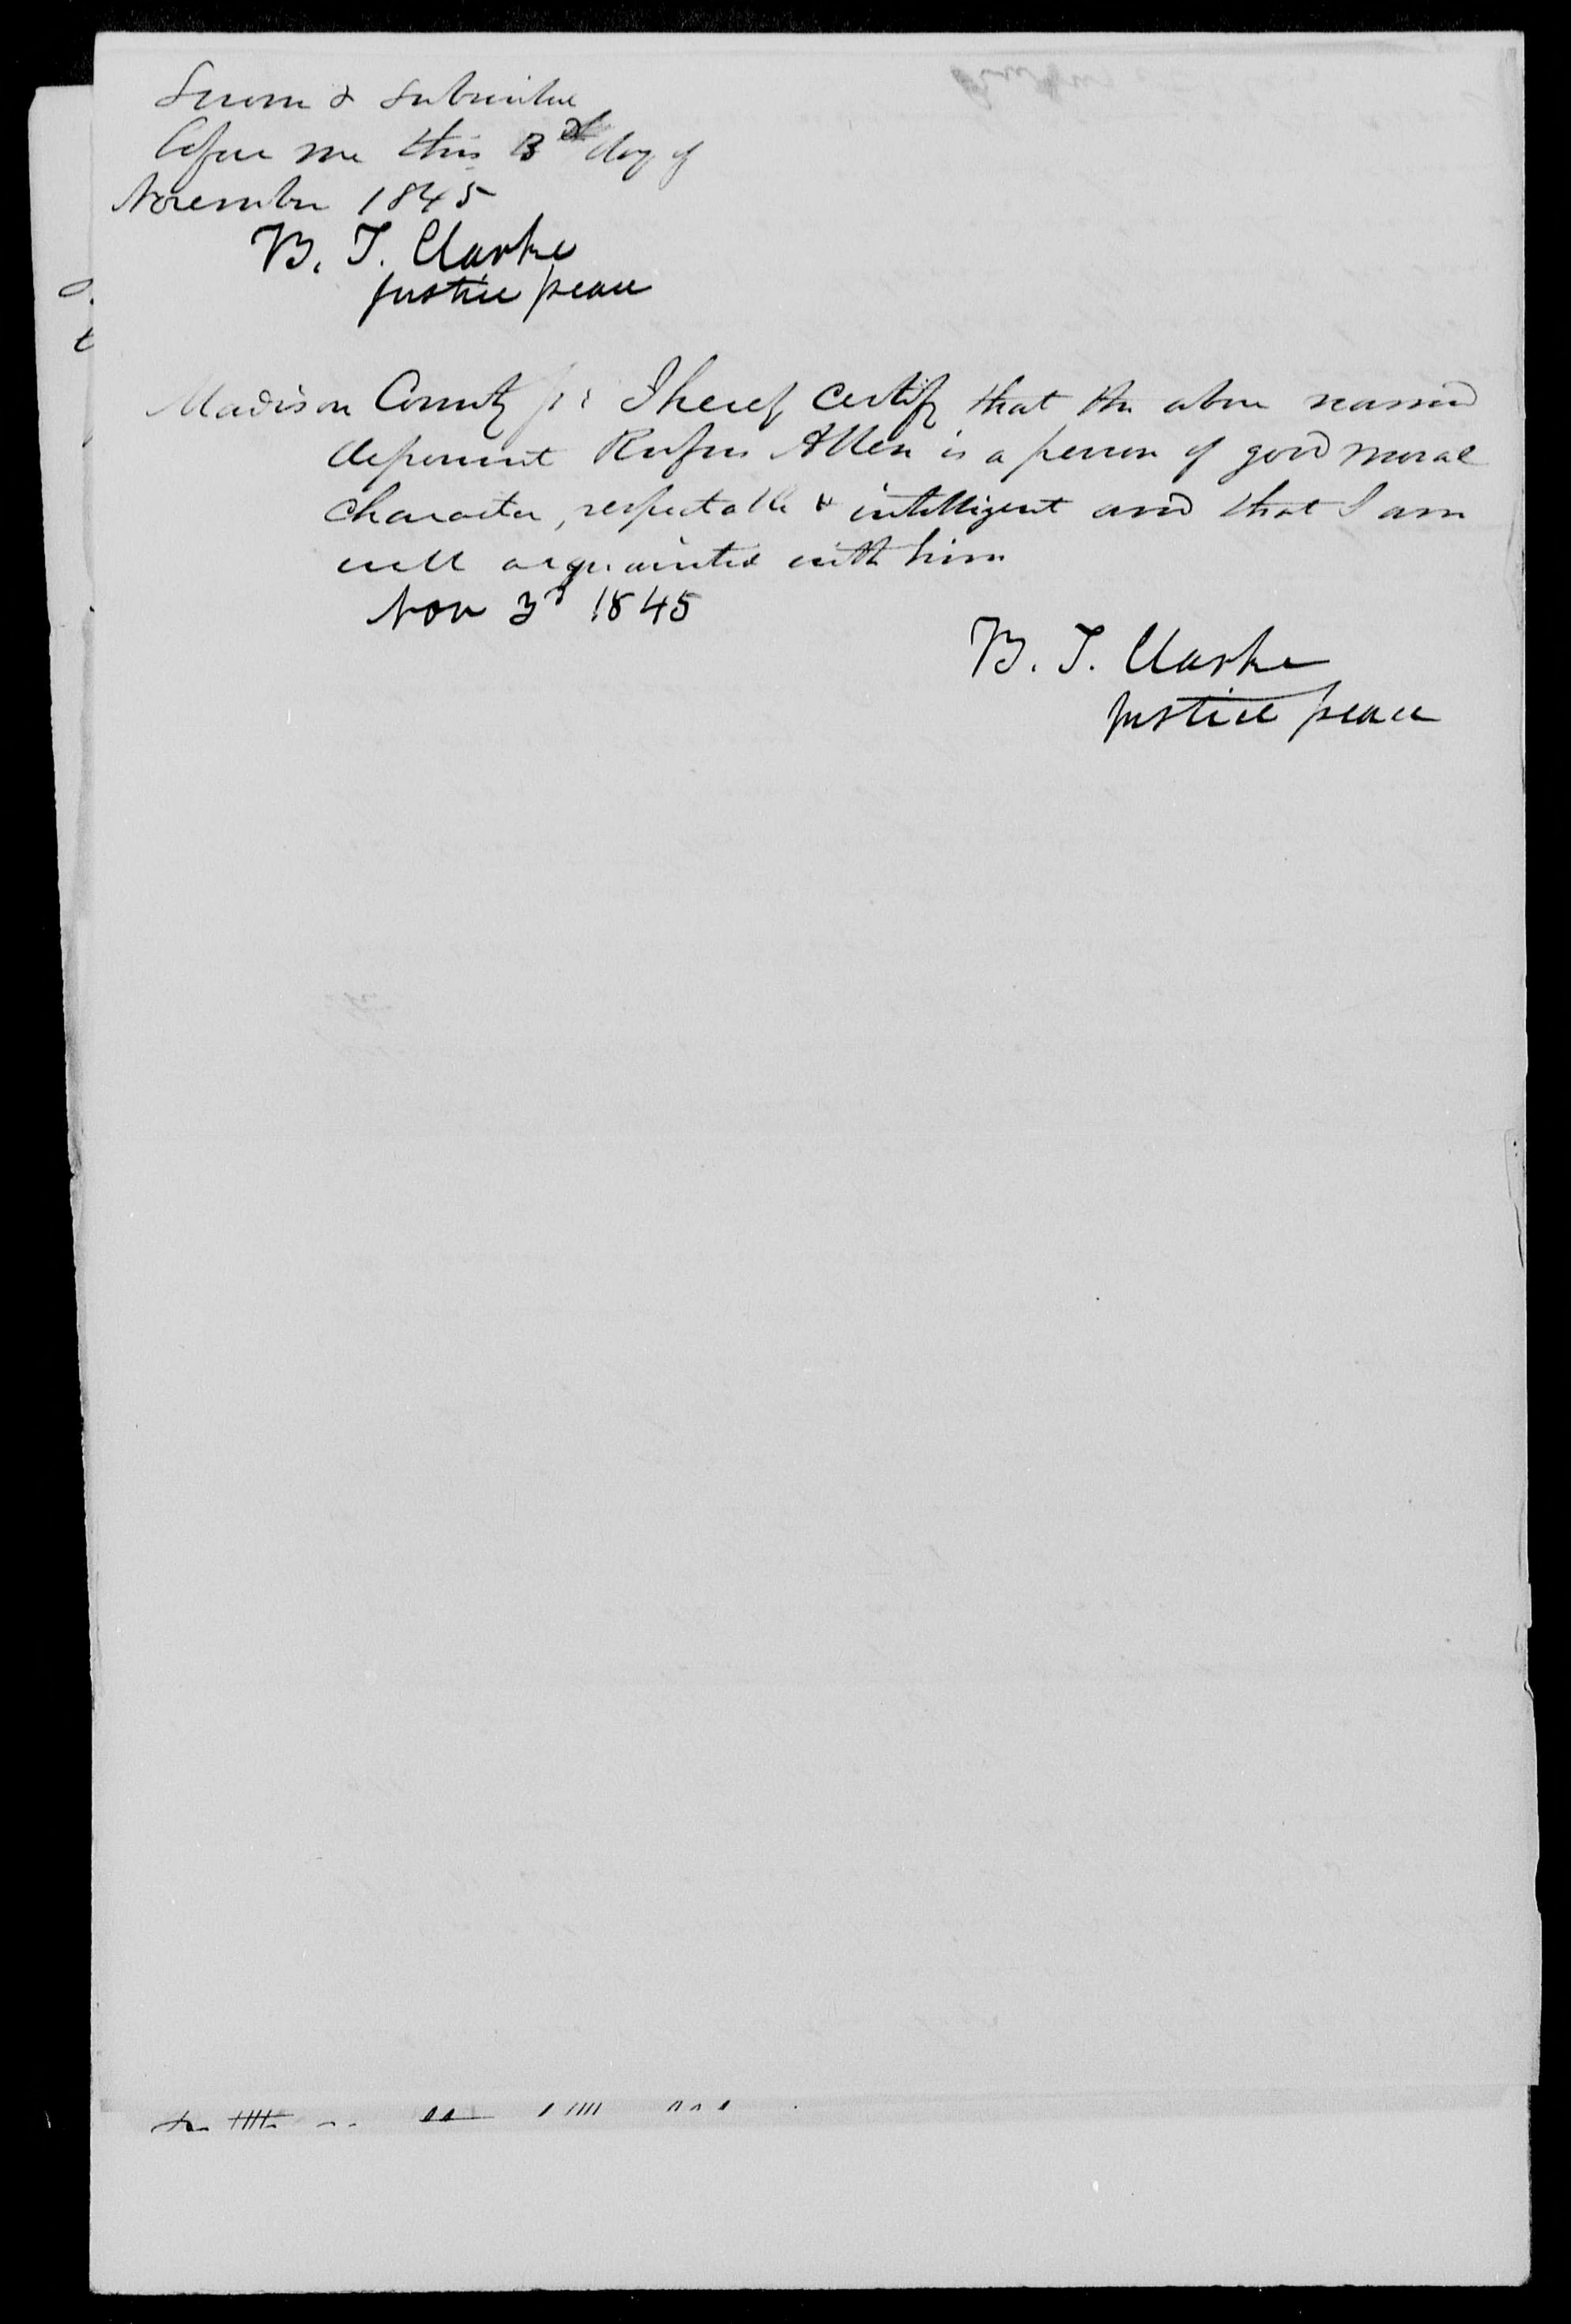Sworn & Subscribed 
before me this 3rd day of 
November 1845 
B. T. Clarke Justice peace
 
Madison County Ss I Hereby certify that the above named deponent Rufus Allen is a person of good moral character, respectable & intelligent and that I am well acquainted with him 
Nov 3rd 1845
B. T. Clark Justice peace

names: B T Clarke, B T Clarke, Rufus Allen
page: 25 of 74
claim: widow's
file: W. 23424, John Allen, Mass. R. I.